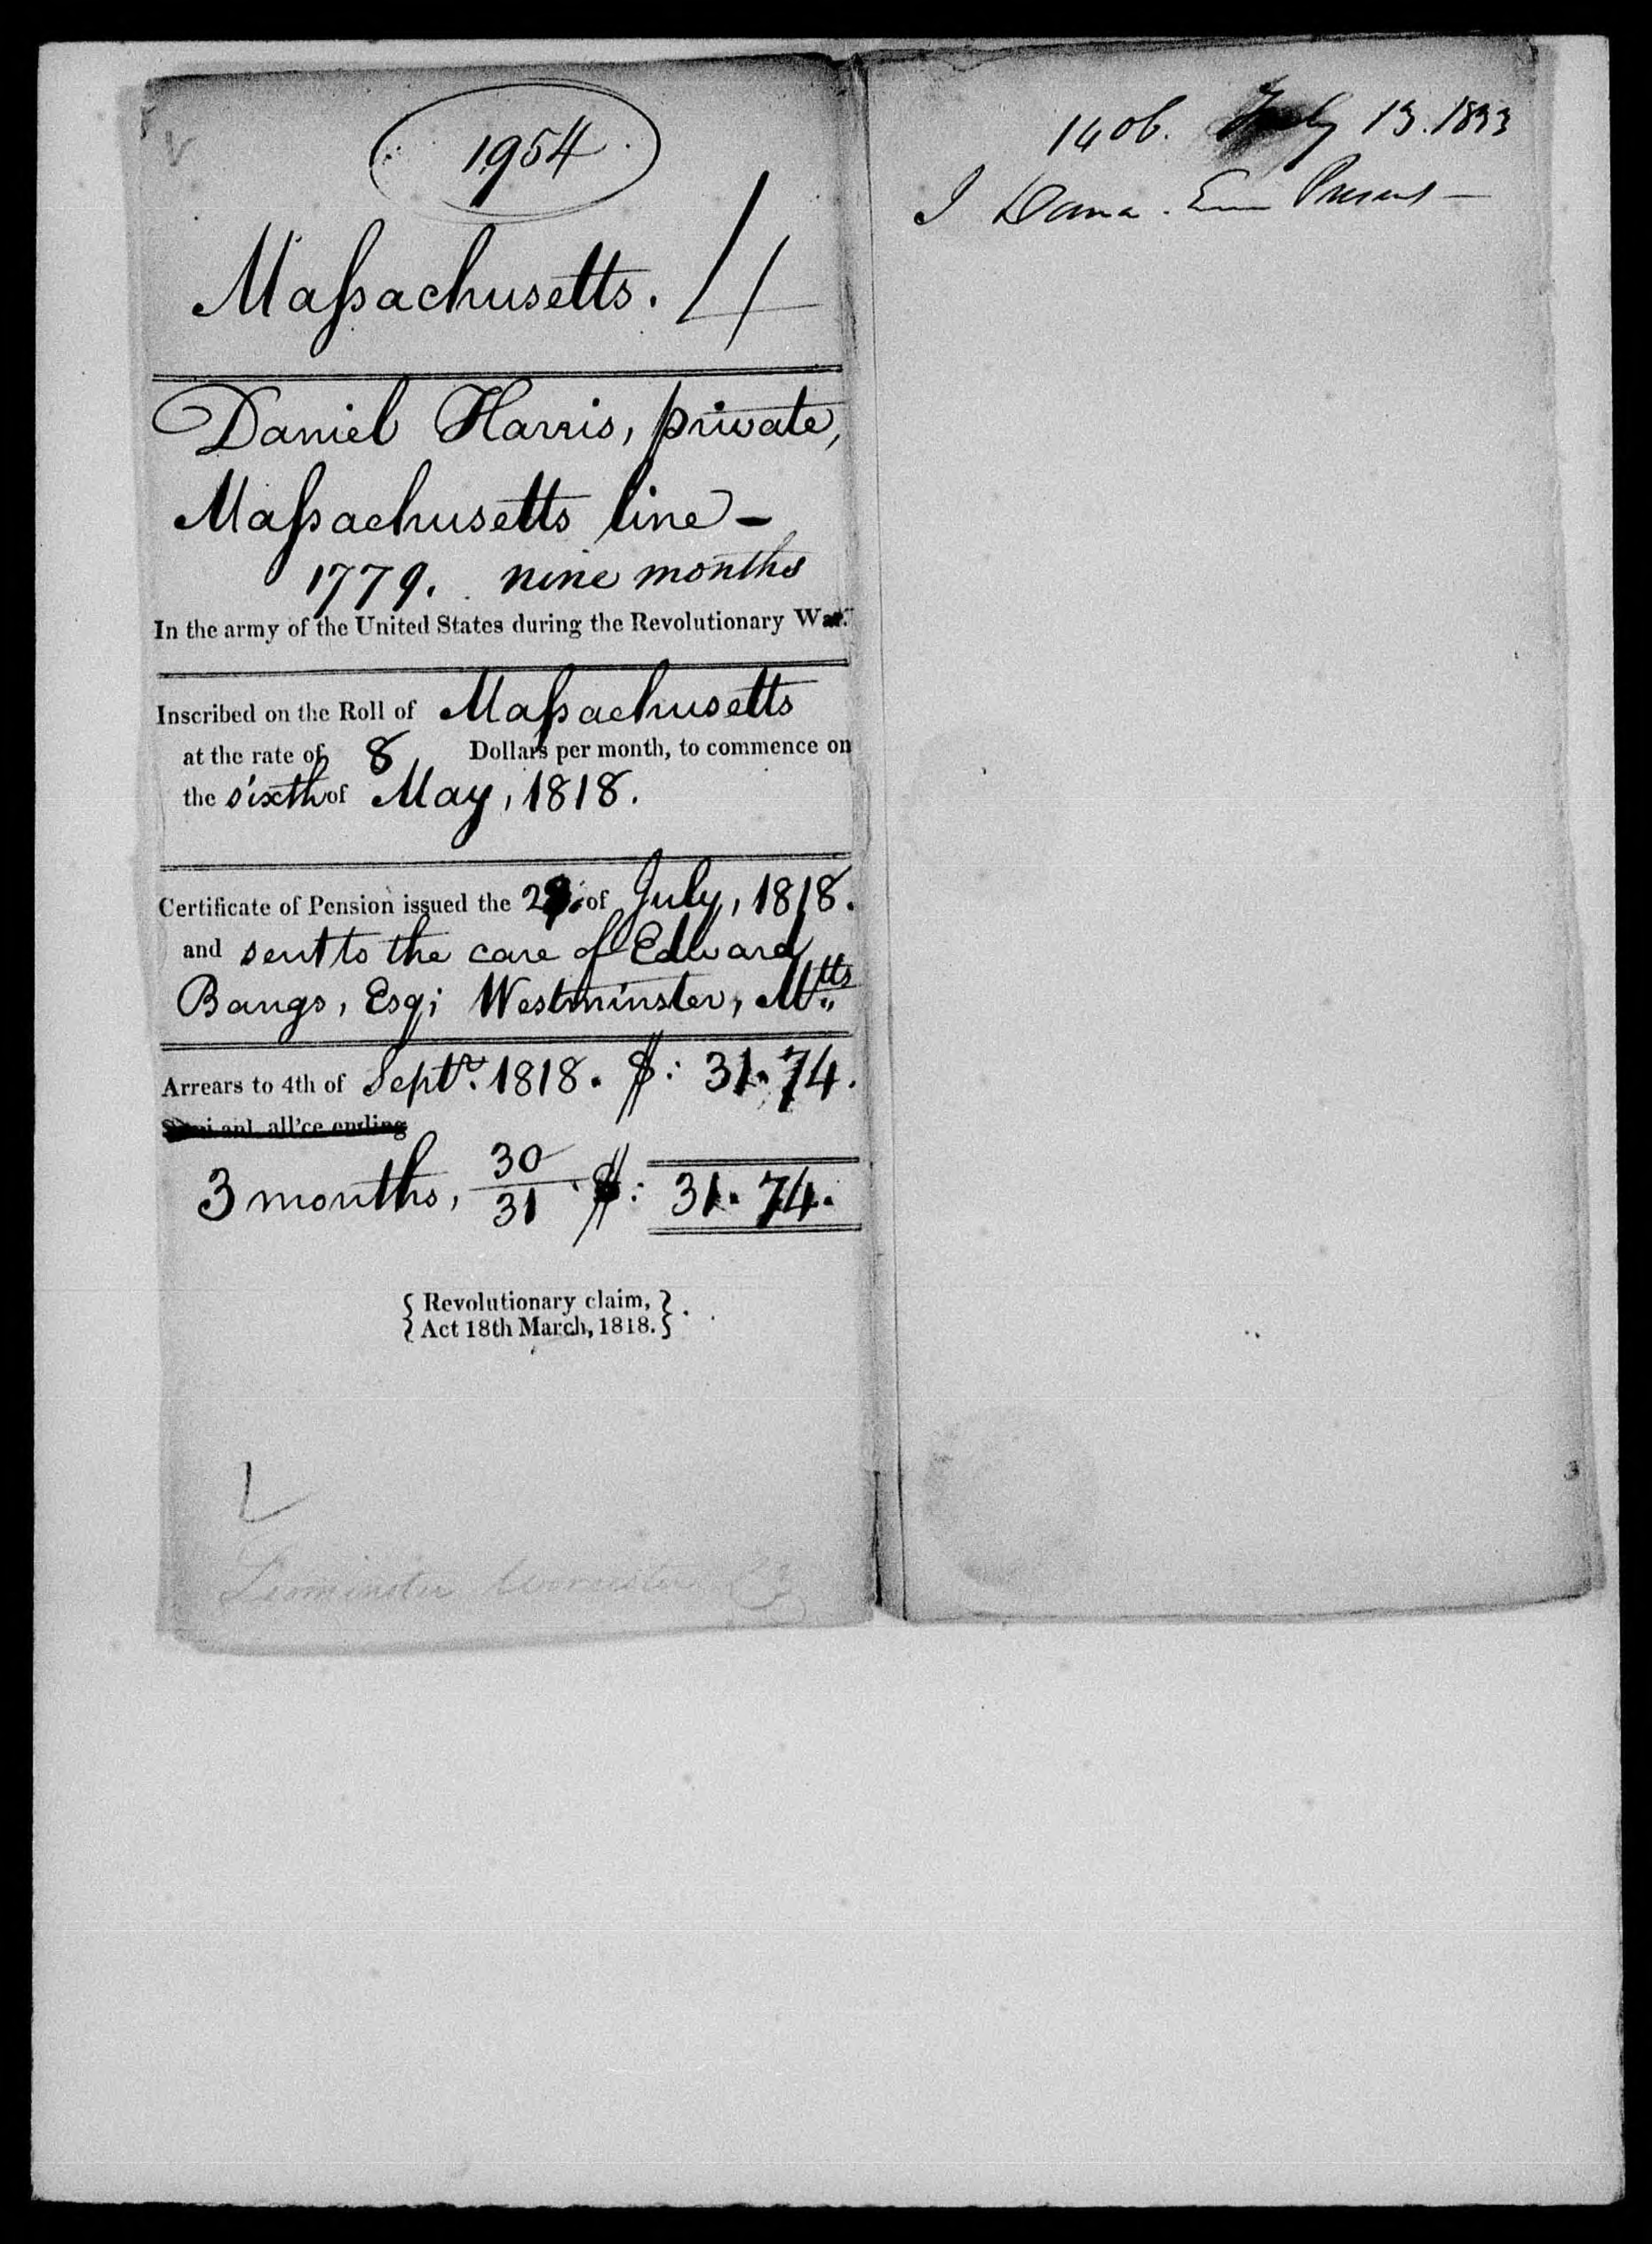(left page)

1954
Massachusetts                     4

Daniel Harris, private,
Massachusetts line
1779 nine months
In the army of the United States during the Revolutionary War

Inscribed on the Roll of Massachusetts a the rate of 8 Dollars per month, to commence on the sixth of May 1818.

Certificate of Pension issued the 28 of July, 1818
and sent to the care of Edward Bangs, Esq.; Westminster, Mtts.

Arrears to 4th of Sept. 1818.     $31.74
3 months,  30/31                       $31.74

             {Revolutionary claim,
              Act 18th March, 1818}

(Right page)

16 of July  1823
J Dana  (illegible)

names: Daniel Harris, J Dana, Edward Bangs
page: 12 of 68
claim: survivor's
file: S. 29,877, Daniel Harris, Mass.